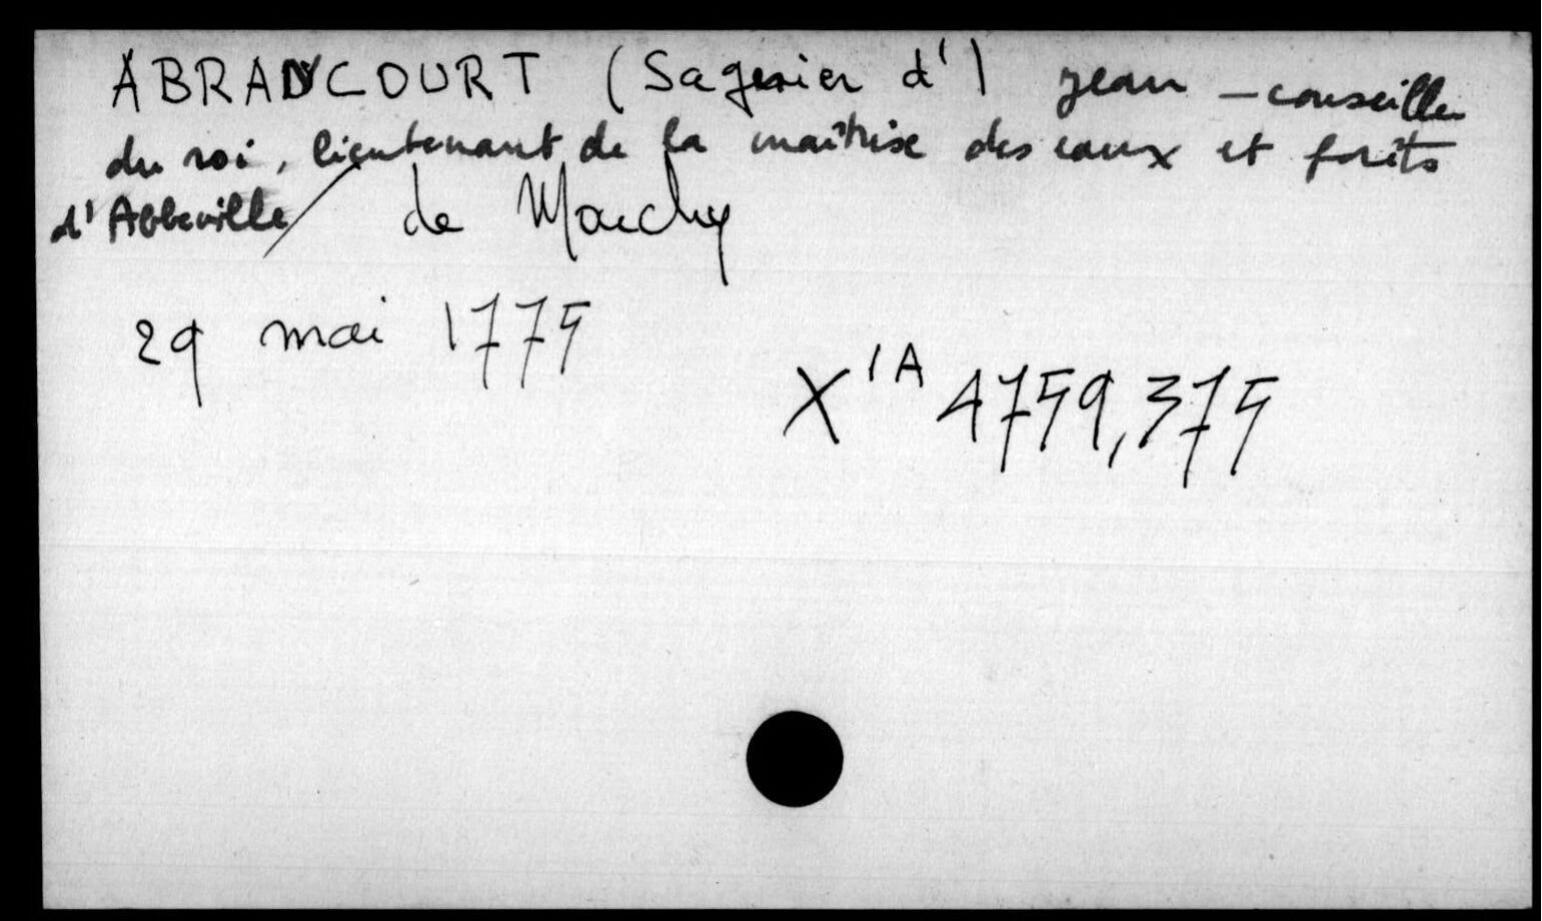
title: ABRANCOURT (Sangnier d') Jean - conseiller du roi, lieutenant de la maîtrise des eaux et forêts d'Abbeville
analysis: Contre de Maichy
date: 29 mai 1775
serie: X1A
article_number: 4759
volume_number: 375
